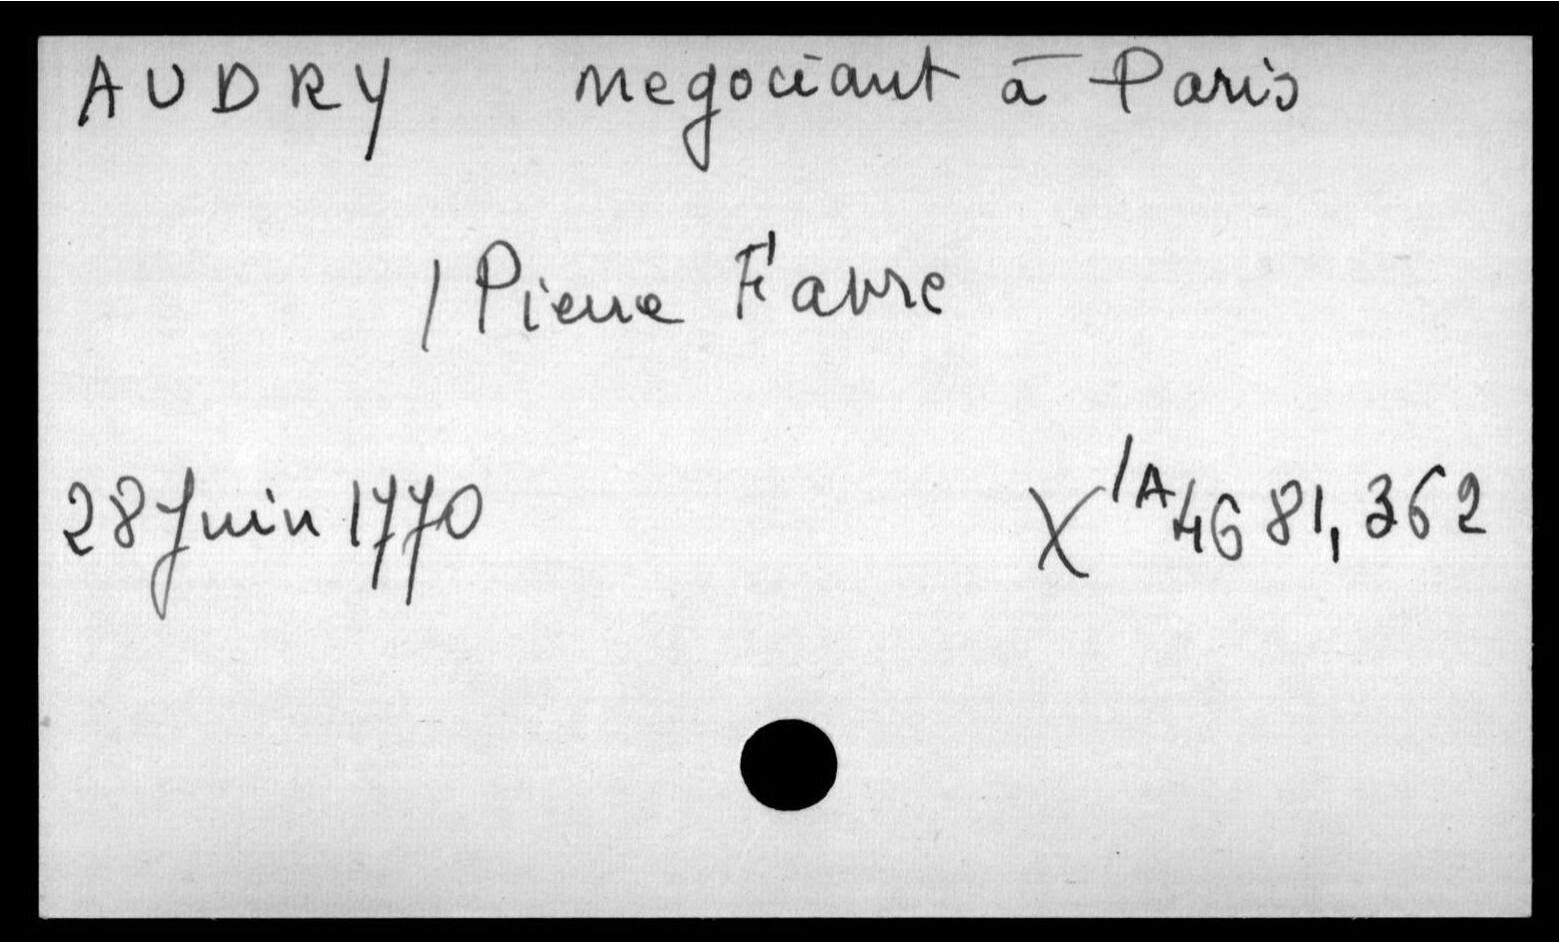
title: AUDRY négociant à Paris
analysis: Contre Pierre Favre
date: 28 juin 1770
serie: X1A
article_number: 4681
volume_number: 362
